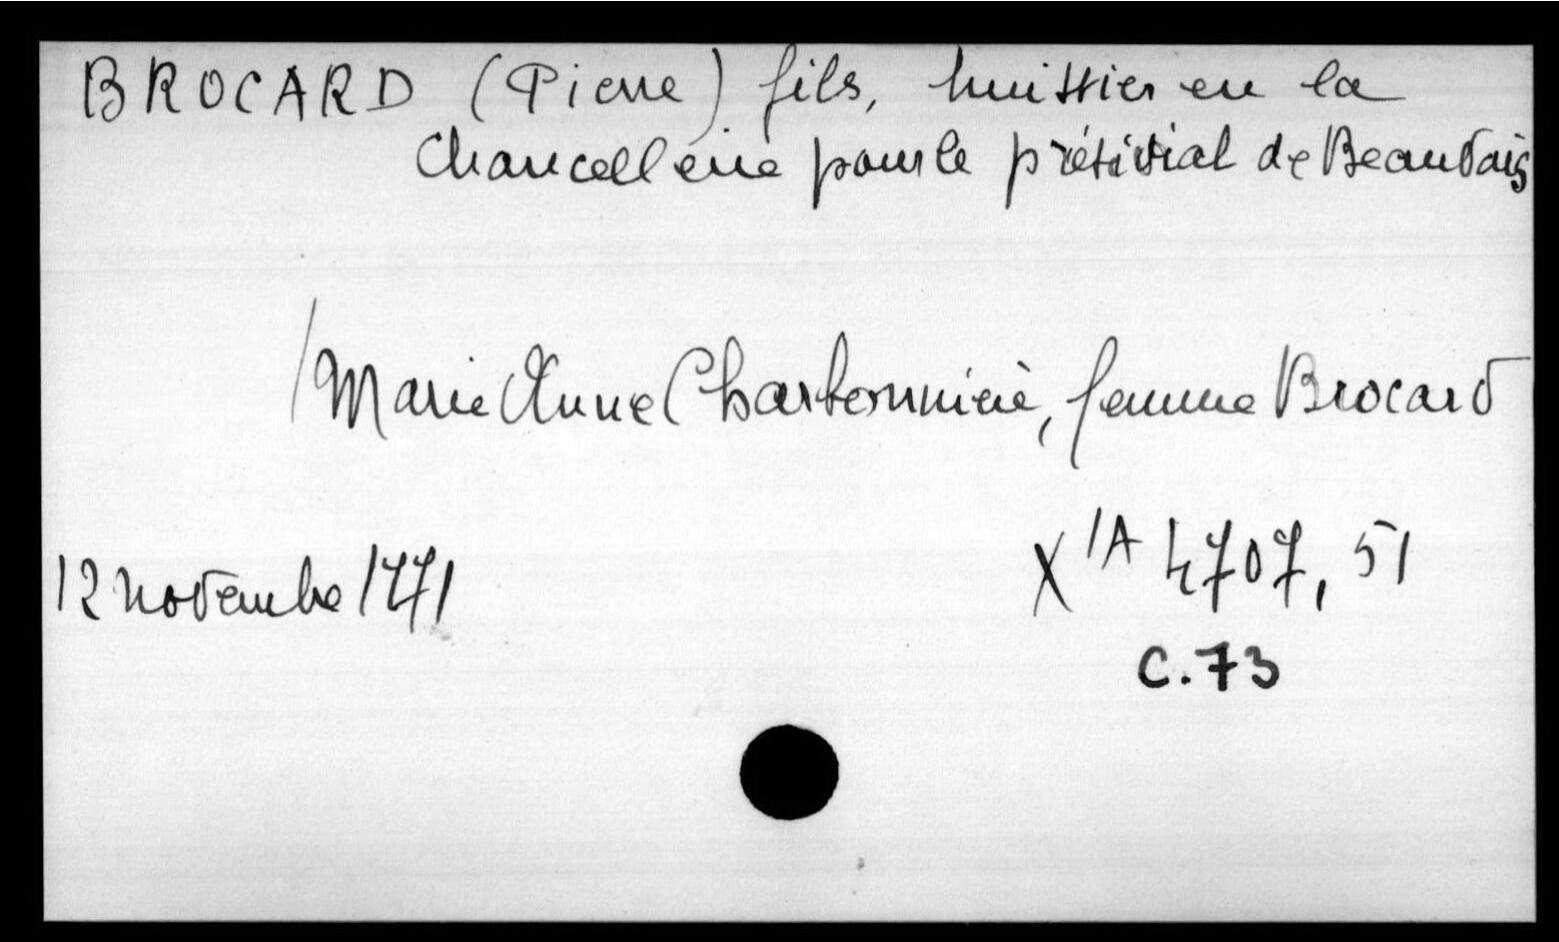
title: BROCARD (Pierre), fils, huissier en la Chancellerre pour le présidial de Beauvais
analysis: Contre Marie Anne Charbonnière, femme Brocard
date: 12 novembre 1771
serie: X1A
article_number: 4707
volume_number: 51 Conseil, 73
